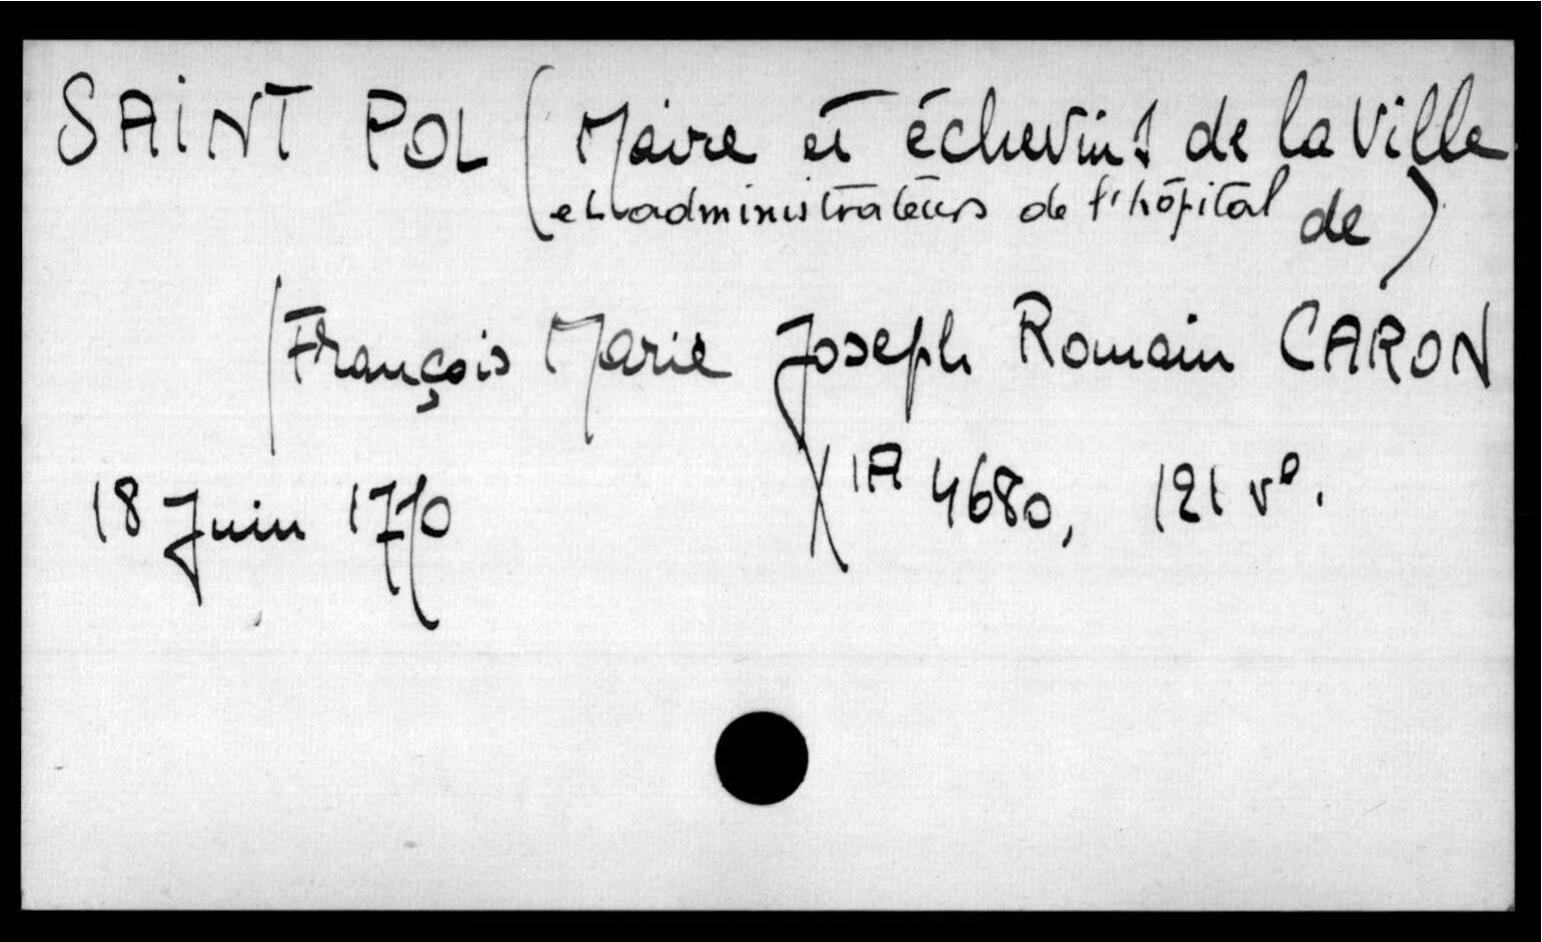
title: SAINT POL (Maire et échevins de la ville (et administrateurs de l'hôpital de)
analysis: Contre François Marie Joseph Romain CARON
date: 18 juin 1770
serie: X1A
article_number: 4680
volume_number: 121v
